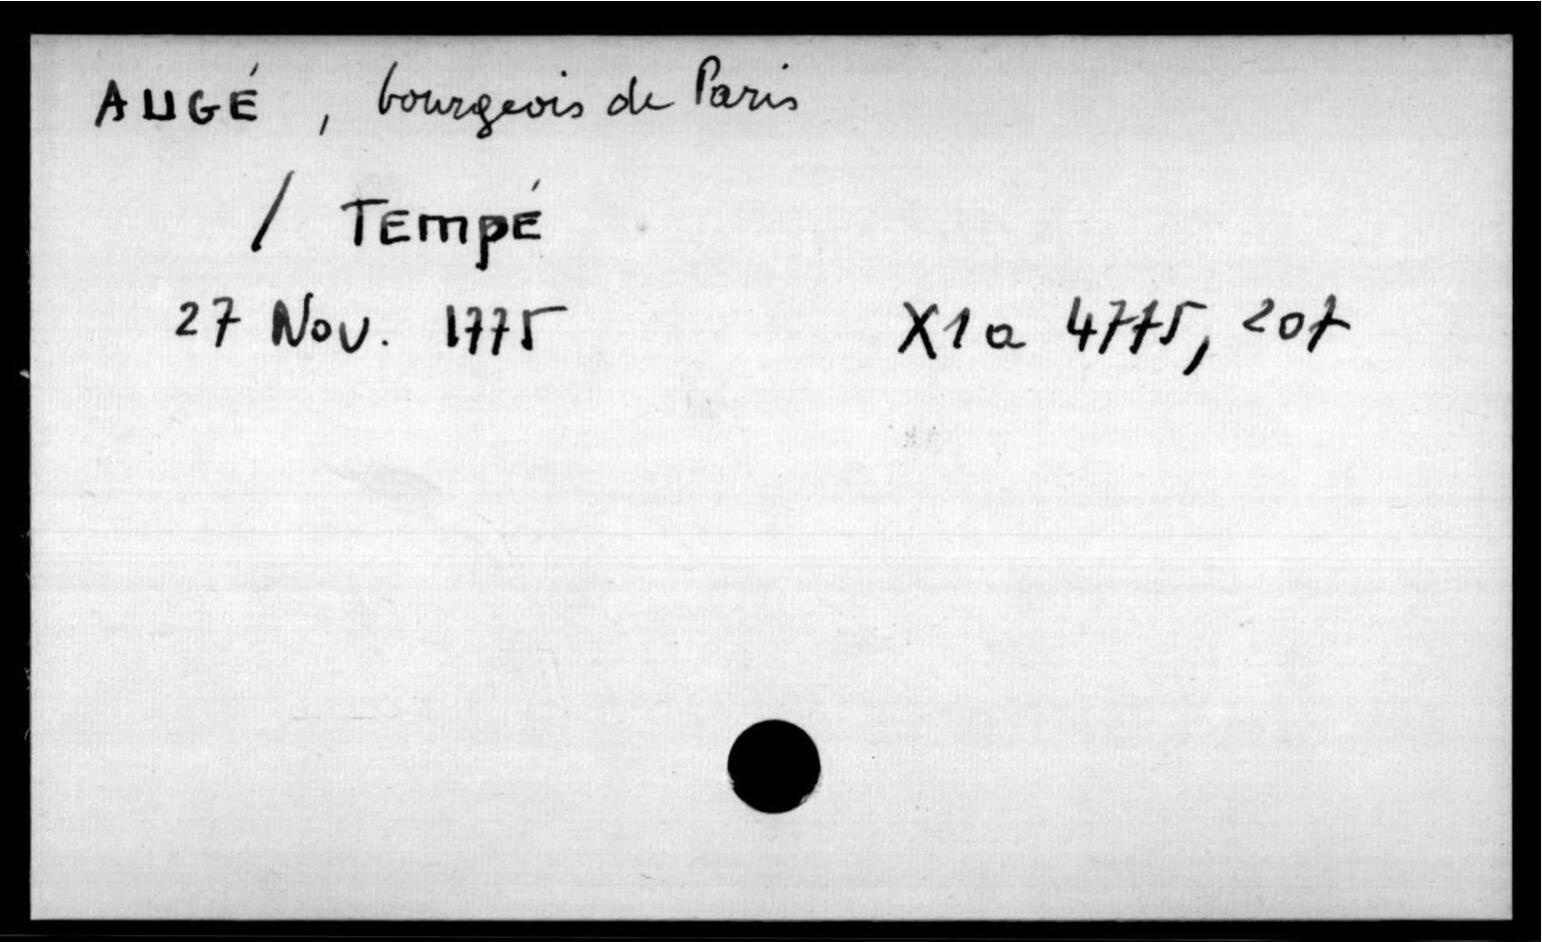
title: AUGÉ, bourgeois de Paris
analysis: Contre TEMPÉ
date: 27 novembre 1775
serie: X1a
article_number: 4775
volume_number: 207
